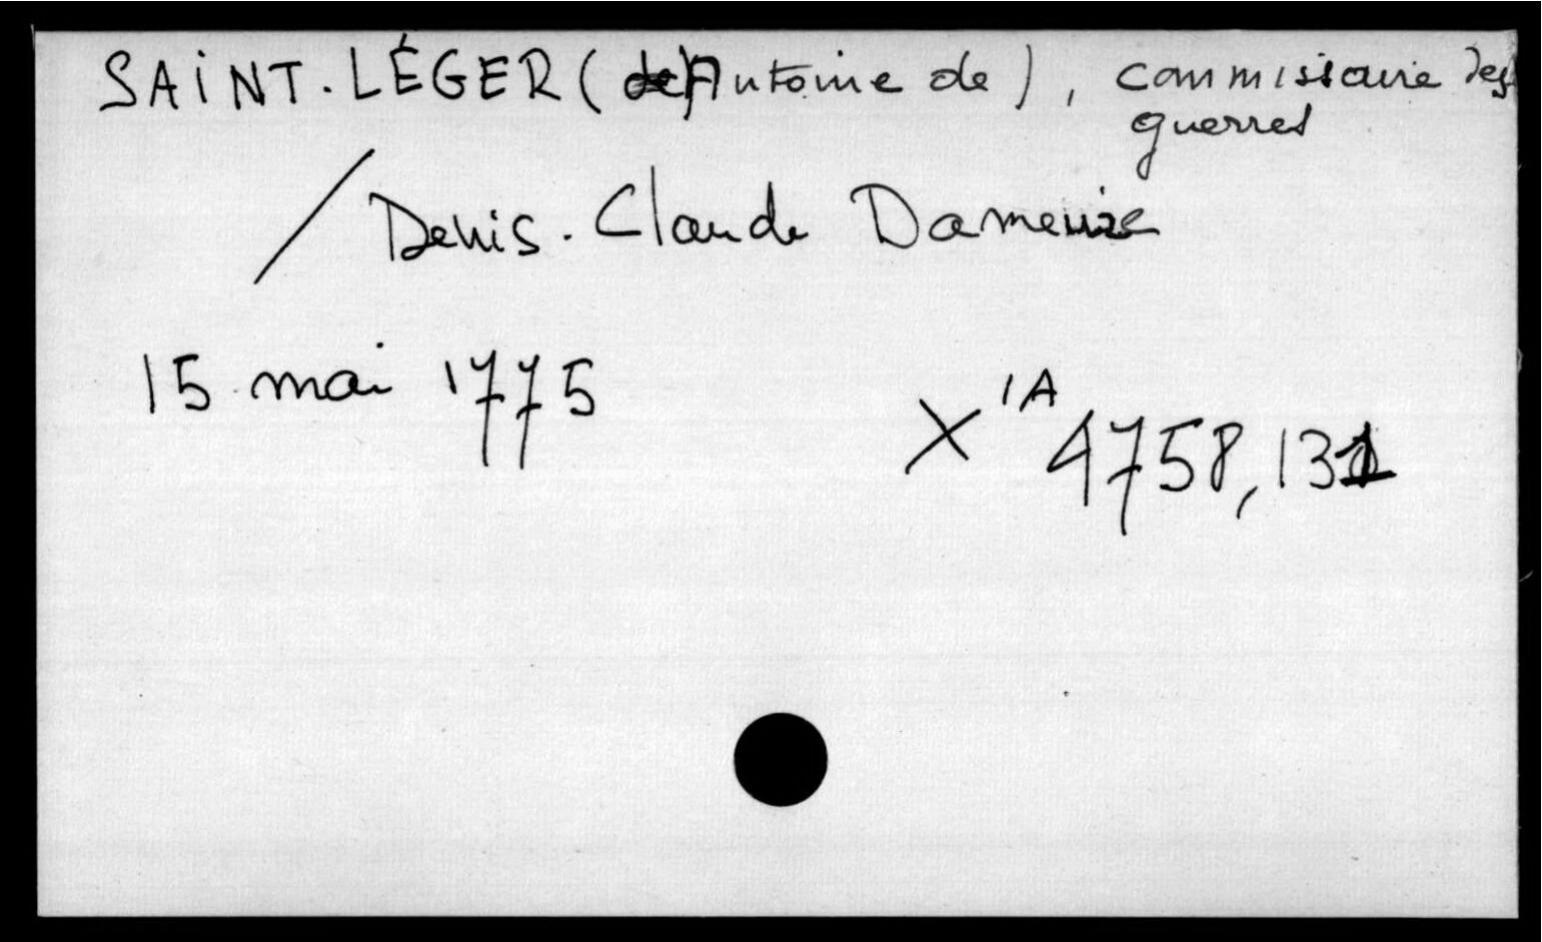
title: SAINT-LÉGER (Antoine de), commissaire des guerres
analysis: Contre Denis-Claude Dameure
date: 15 mai 1775
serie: X1A
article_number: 4758
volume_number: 131
